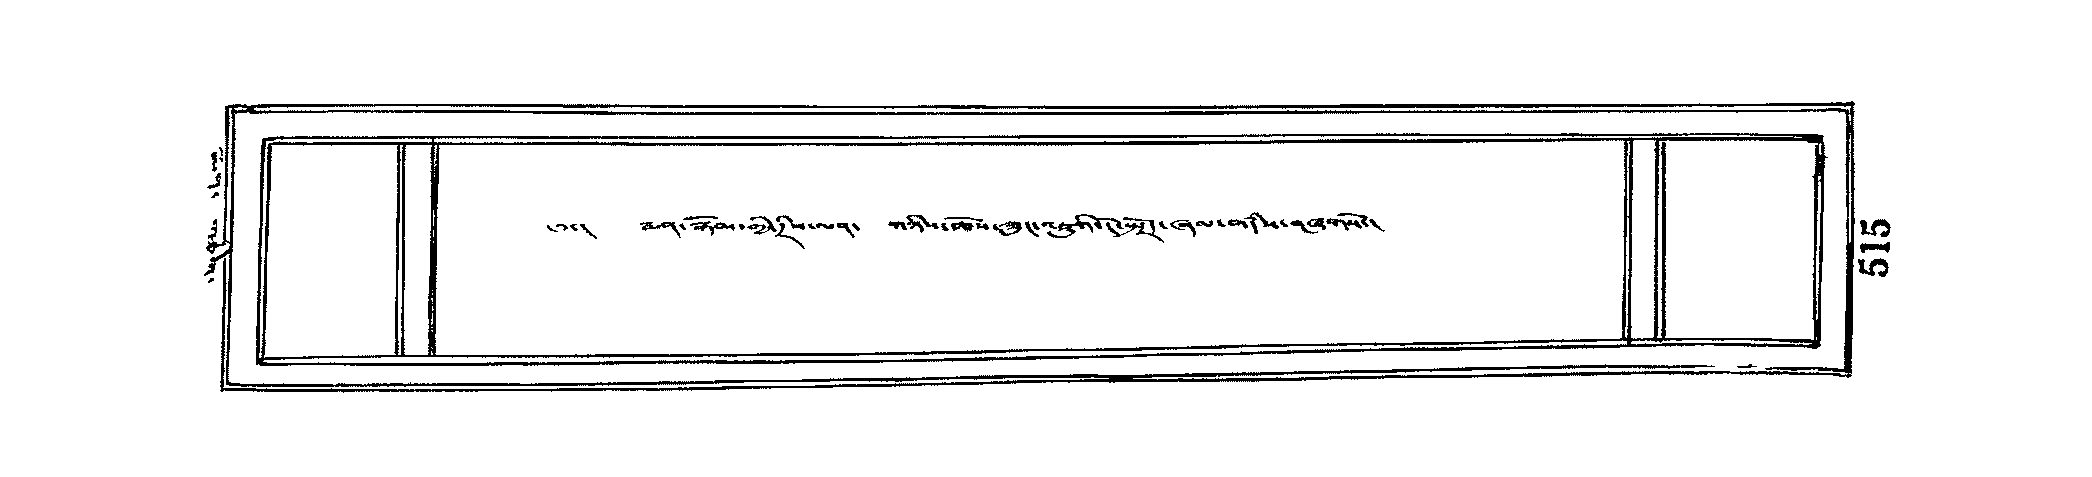༄། སྨན་སྒོམ་གྱི་དྲིས་ལན། གཉིས་ཆོས་ཟུང་འཇུག་གི་ངོ་སྤྲོད་ཞལ་གདམས་བཞུགས་སོ།།